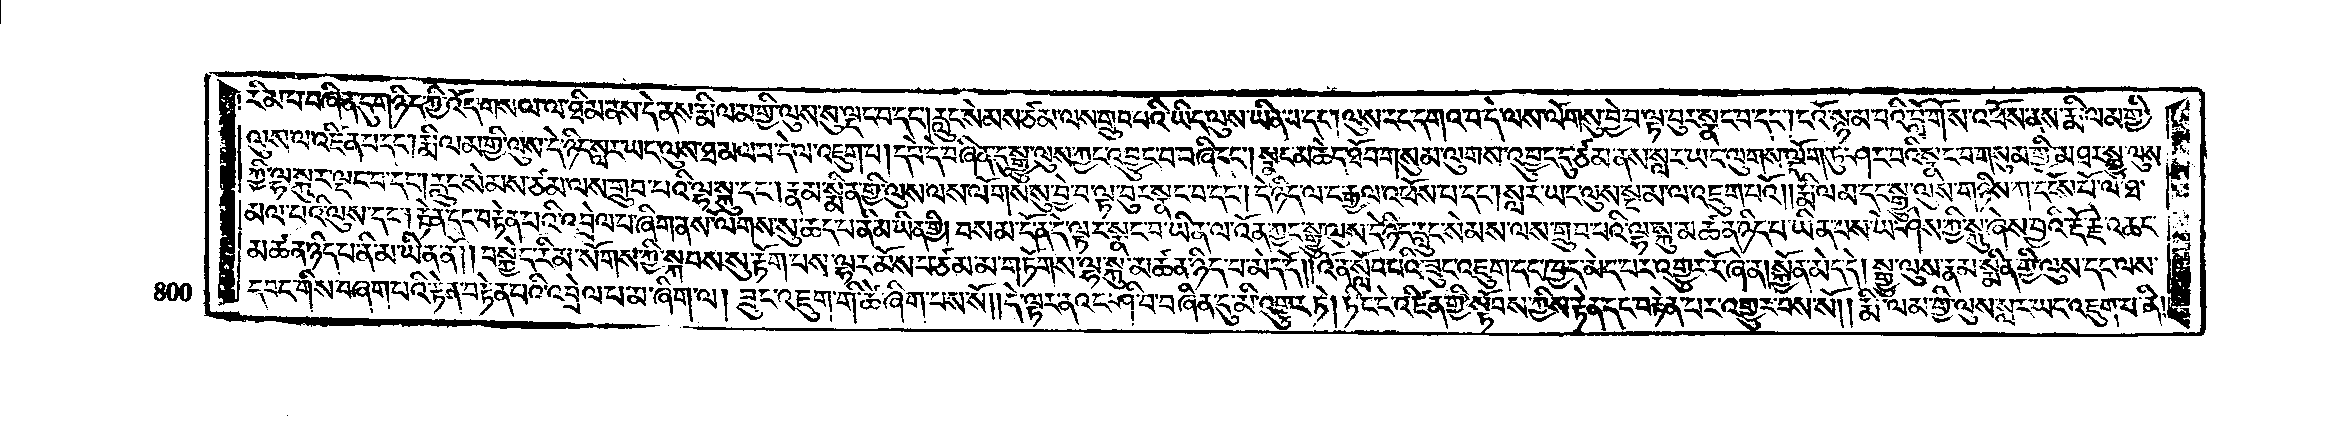རིམ་པ་བཞིན་དུ་གཉིད་ཀྱི་འོད་གསལ་ལ་ཐིམ་ནས་དེ་ནས་རྨི་ལམ་གྱི་ལུས་སུ་ལྡང་བ་དང་། རླུང་སེམས་ཙམ་ལས་གྲུབ་པའི་ཡིད་ལུས་ཡིན་པ་དང་། ལུས་རང་དགའ་བ་དེ་ལས་ལོགས་སུ་བྱེ་བ་ལྟ་བུར་སྣང་བ་དང་། ངའོ་སྙམ་པའི་བློ་གོ་ས་འཕོས་ནས་རྨི་ལམ་གྱི་
ལུས་ལ་འཛིན་པ་དང་། རྨི་ལམ་གྱི་ལུས་དེ་ཉིད་སླར་ཡང་ལུས་ཐ་མལ་པ་དེ་ལ་འཇུག་པ། དཔེ་དེ་བཞིན་དུ་སྒྱུ་ལུས་ཀྱང་འབྱུང་བ་བཞི་དང་། སྣང་མཆེད་ཐོབ་གསུམ་ལུགས་འབྱུང་དུ་ཙམ་ནས་སླར་ཡང་ལུགས་ལྡོག་ཏུ་ཤར་བའི་སྣང་བ་གསུམ་གྱི་མཐར་སྒྱུ་ལུས་
ཀྱི་ལྷ་སྐུར་ལྡང་བ་དང་། རླུང་སེམས་ཙམ་ལས་གྲུབ་པའི་ལྷ་སྐུ་དང་། རྣམ་སྨིན་གྱི་ལུས་ལས་ལོགས་སུ་བྱེ་བ་ལྟ་བུར་སྣང་བ་དང་། དེ་ཉིད་ལ་ང་རྒྱལ་འཕོས་པ་དང་། སླར་ཡང་ལུས་སྔ་མ་ལ་འཇུག་པའོ། །རྨི་ལམ་དང་སྒྱུ་ལུས་གཉིས་ཀ་དངོས་པོ་ལ་ཐ་
མལ་པའི་ལུས་དང་། རྟེན་དང་བརྟེན་པའི་འབྲེལ་པ་ཞིག་ནས་ལོགས་སུ་ཆད་པ་ནི་མ་ཡིན་གྱི། བསམ་དོན་དེ་ལྟར་སྣང་བ་ཡིན་ལ་འོན་ཀྱང་སྒྱུ་ལུས་དེ་ཉིད་རླུང་སེམས་ལས་གྲུབ་པའི་ལྷ་སྐུ་མཚན་ཉིད་པ་ཡིན་པས་ཡེ་ཤེས་ཀྱི་སྐུ་ཞེས་བྱའི་རྡོ་རྗེ་འཆང་
མཚན་ཉིད་པ་ནི་མ་ཡིན་ནོ། །བསྐྱེད་རིམ་སོགས་ཀྱི་སྐབས་སུ་རྟོག་པས་ལྷར་མོས་པ་ཙམ་མ་གཏོགས་ལྷ་སྐུ་མཚན་ཉིད་པ་མེད་དོ། །འོ་ན་སློབ་པའི་ཟུང་འཇུག་དང་ཁྱད་མེད་པར་འགྱུར་རོ་ཞེ་ན། སྐྱོན་མེད་དེ། སྒྱུ་ལུས་རྣམ་སྨིན་གྱི་ལུས་དང་ལས་
དབང་གིས་བཞག་པའི་རྟེན་བརྟེན་པའི་འབྲེལ་པ་མ་ཞིག་ལ། ཟུང་འཇུག་གི་ཚེ་ཞིག་པས་སོ། །དེ་ལྟར་ནའང་ཤི་བ་བཞིན་དུ་མི་འགྱུར་ཏེ། ཏིང་ངེ་འཛིན་གྱི་སྟོབས་ཀྱིས་རྟེན་དང་བརྟེན་པར་འགྱུར་བས་སོ། །རྨི་ལམ་གྱི་ལུས་སླར་ཡང་འཇུག་པ་ནི།